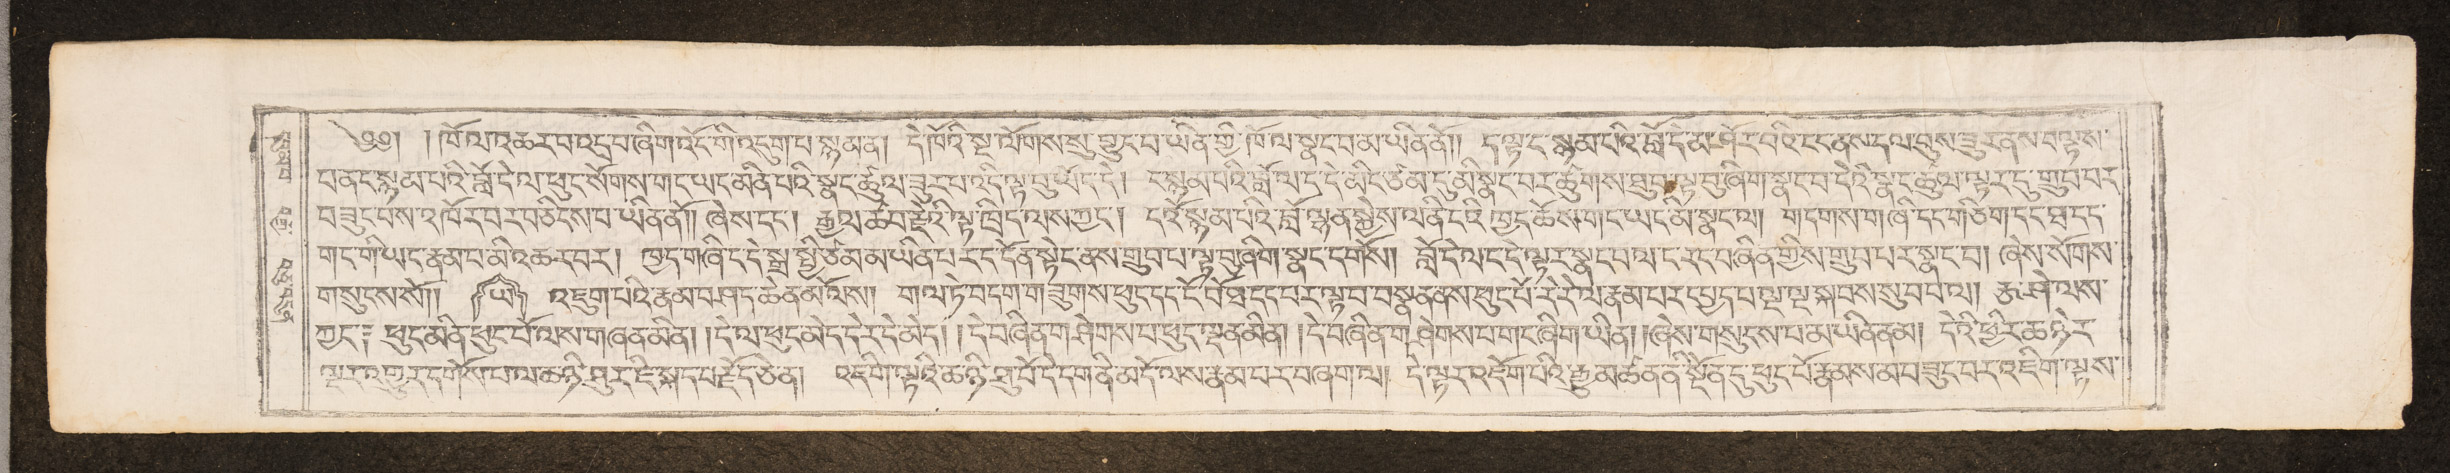༄༅། །ཁོ་ལ་འཆར་བ་འདྲ་བ་ཞིག་འོང་གི་འདུག་པ་སྙམ་ན། དེ་ཁོའི་སྔ་ལོགས་སུ་བྱུང་བ་ཡིན་གྱི་ཁོ་ལ་སྣང་བ་མ་ཡིན་ནོ།། ད་ལྟ་ང་སྙམ་པའི་བློ་དེ་མ་ཤོར་བའི་ངང་ནས་དལ་བུས་ཟུར་ནས་བལྟས་
པ་ན་ང་སྙམ་པའི་བློ་དེ་ལ་ཕུང་སོགས་གང་ཡང་མིན་པའི་སྣང་ཚུལ་ཟུར་པ་འདི་ལྟ་བུ་ཡོད་དེ། ང་སྙམ་པའི་བློ་ལ་ད་དེ་མིང་ཙམ་དུ་མི་སྣང་བར་ཚུགས་ཐུབ་ལྟ་བུ་ཞིག་སྣང་བ་དེའི་སྣང་ཚུལ་ལྟར་དུ་གྲུབ་པར་
བཟུང་བས་འཁོར་བར་བཅིངས་པ་ཡིན་ནོ།། ཞེས་དང་། རྒྱལ་ཚབ་རྗེའི་ལྟ་ཁྲིད་ལས་ཀྱང་། ངའོ་སྙམ་པའི་བློ་ལྷན་སྐྱེས་ལ་ནི་ངའི་ཁྱད་ཆོས་གང་ཡང་མི་སྣང་ལ། གདགས་གཞི་དང་གཅིག་དང་ཐ་དད་
གང་གི་ཡང་རྣམ་པ་མི་འཆར་བར། ཁྱད་གཞི་ང་དེ་སྒྲ་སྤྱི་ཙམ་མ་ཡིན་པར་ད་དོན་སྟེང་ནས་གྲུབ་པ་ལྟ་བུ་ཞིག་སྣང་དགོས། བློ་དེ་ལ་ང་དེ་ལྟར་སྣང་བ་ལ་ང་རང་བཞིན་གྱིས་གྲུབ་པར་སྣང་བ། ཞེས་སོགས་
གསུངས་སོ།། ༼༽ཡ༼༽ འཇུག་པའི་རྣམ་བཤད་ཆེན་མོ་ལས། གལ་ཏེ་བདག་གཟུགས་ཕུང་དང་ངོ་བོ་ཐ་དད་པར་ལྟ་བ་བསྣན་ནས་ཕུང་པོ་རེ་རེ་ལ་རྣམ་པར་དྶྤྱད་པ་ལྔ་ལྔ་སྐྦས་སུ་བབ་ལ། རྩ་ཤེ་ལས་
ཀྱང༑ ཕུང་མིན་ཕུང་པོ་ལས་གཞན་མིན། །དེ་ལ་ཕུད་མེད་དེར་དེ་མེད། །དེ་བཞིན་གཤེགས་པ་ཕུང་ལྡན་མིན། །དེ་བཞིན་གཤེགས་པ་གང་ཞིག་ཡིན། །ཞེས་གསུངས་པ་མ་ཡིན་ནམ། དེའི་ཕྱིར་ཆ་ཉེར་
ལྔར་འགྱུར་དགོས་པ་ལ་ཆ་ཉི་ཤུར་ཇི་སྐད་བརྗོད་ཅེ་ན། འཇིག་ལྟའི་ཆ་ཉི་ཤུ་པོ་དེ་དག་ནི་མདོ་ལས་རྣམ་པར་བཞག་ལ། དེ་ལྟར་འཇོག་པའི་རྒྱུ་མཚན་ནི་སྔོན་དུ་ཕུང་པོ་རྣམས་མ་བཟུང་བར་འཇིག་ལྟས་